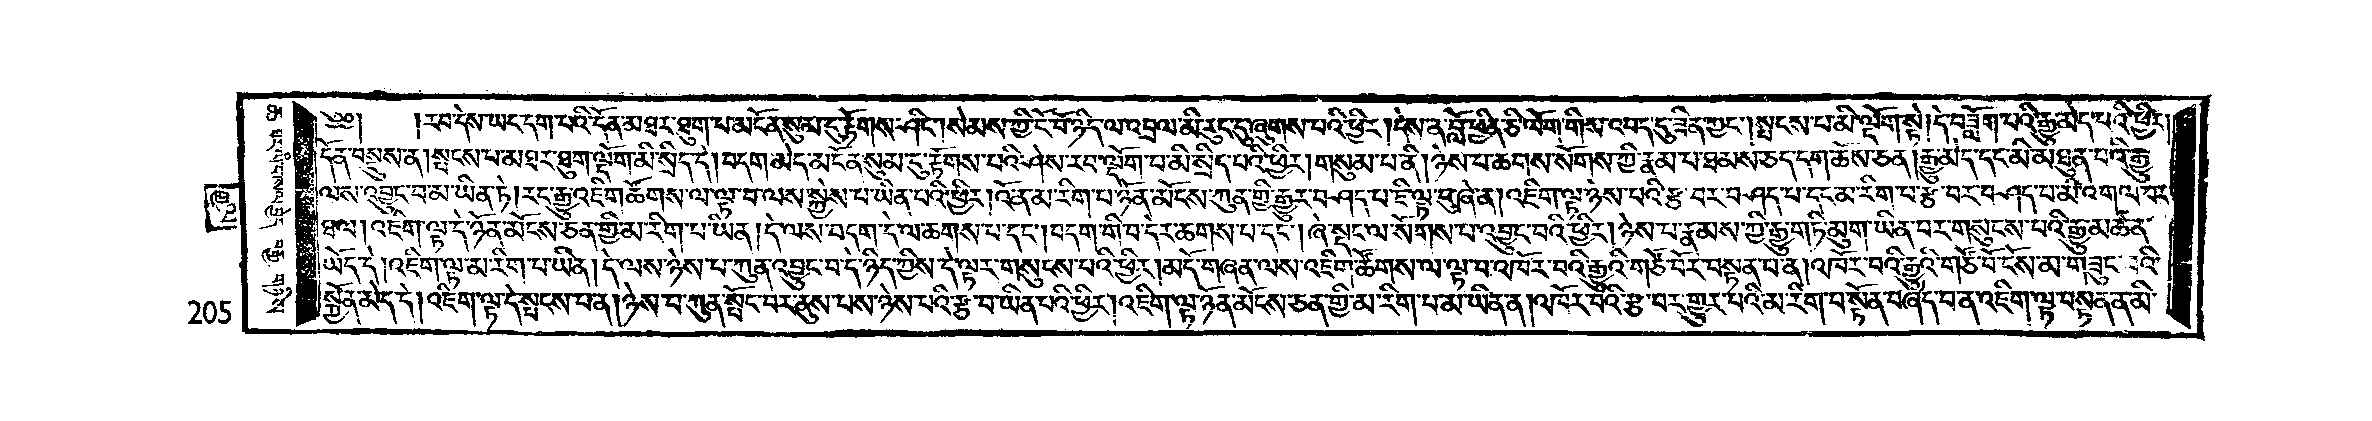༄༅། །རབ་དེས་ཡང་དག་པའི་དོན་མཐར་ཐུག་པ་མངོན་སུམ་དུ་རྟོགས་ཤིང་། སེམས་ཀྱི་ངོ་བོ་ཉིད་ལ་འབྲལ་མི་རུང་དུ་ཞུགས་པའི་ཕྱིར། དེས་ན་བློ་ཕྱིན་ཅི་ལོག་གིས་འབད་དུ་ཟིན་ཀྱང་། སྤངས་པ་མི་ལྡོག་སྟེ། དེ་བཟློག་པའི་རྒྱུ་མེད་པའི་ཕྱིར།
དོན་བསྡུས་ན། སྤངས་པ་མཐར་ཐུག་ལྡོག་མི་སྲིད་དེ། བདག་མེད་མངོན་སུམ་དུ་རྟོགས་པའི་ཤེས་རབ་ལྡོག་པ་མི་སྲིད་པའི་ཕྱིར། གསུམ་པ་ནི། ཉེས་པ་ཆགས་སོགས་ཀྱི་རྣམ་པ་ཐམས་ཅད་དག་ཆོས་ཅན། རྒྱུ་མེད་དང་མི་མཐུན་པའི་རྒྱུ་
ལས་འབྱུང་བ་མ་ཡིན་ཏེ། རང་རྒྱུ་འཇིག་ཚོགས་ལ་ལྟ་བ་ལས་སྐྱེས་པ་ཡིན་པའི་ཕྱིར། འོ་ན་མ་རིག་པ་ཉོན་མོངས་ཀུན་གྱི་རྒྱུར་བཤད་པ་ཇི་ལྟ་བུ་ཞེ་ན། འཇིག་ལྟ་ཉེས་པའི་རྩ་བར་བཤད་པ་དང་མ་རིག་པ་རྩ་བར་བཤད་པ་མི་འགལ་བར་
ཐལ། འཇིག་ལྟ་དེ་ཉོན་མོངས་ཅན་གྱི་མ་རིག་པ་ཡིན། དེ་ལས་བདག་དེ་ལ་ཆགས་པ་དང་། བདག་གི་བ་དེར་ཆགས་པ་དང་། ཞེ་སྡང་ལ་སོགས་པ་འབྱུང་བའི་ཕྱིར། ཉེས་པ་རྣམས་ཀྱི་རྒྱུ་གཏི་མུག་ཡིན་པར་གསུངས་པའི་རྒྱུ་མཚན་
ཡོད་དེ། འཇིག་ལྟ་མ་རིག་པ་ཡིན། དེ་ལས་ཉེས་པ་ཀུན་འབྱུང་བ་དེ་ཉིད་ཀྱིས་དེ་ལྟར་གསུངས་པའི་ཕྱིར། མདོ་གཞན་ལས་འཇིག་ཚོགས་ལ་ལྟ་བ་འཁོར་བའི་རྒྱུའི་གཙོ་བོར་བསྟན་པ་ན། འཁོར་བའི་རྒྱུའི་གཙོ་བོ་ངོས་མ་གཟུང་བའི་
སྐྱོན་མེད་དེ། འཇིག་ལྟ་དེ་སྤངས་པ་ན། ཉེས་པ་ཀུན་སྤོང་བར་ནུས་པས་ཉེས་པའི་རྩ་བ་ཡིན་པའི་ཕྱིར། འཇིག་ལྟ་ཉོན་མོངས་ཅན་གྱི་མ་རིག་པ་མ་ཡིན་ན། འཁོར་བའི་རྩ་བར་གྱུར་བའི་མ་རིག་པ་སྟོན་བཞེད་པ་ན་འཇིག་ལྟ་བསྟན་ན་མི་